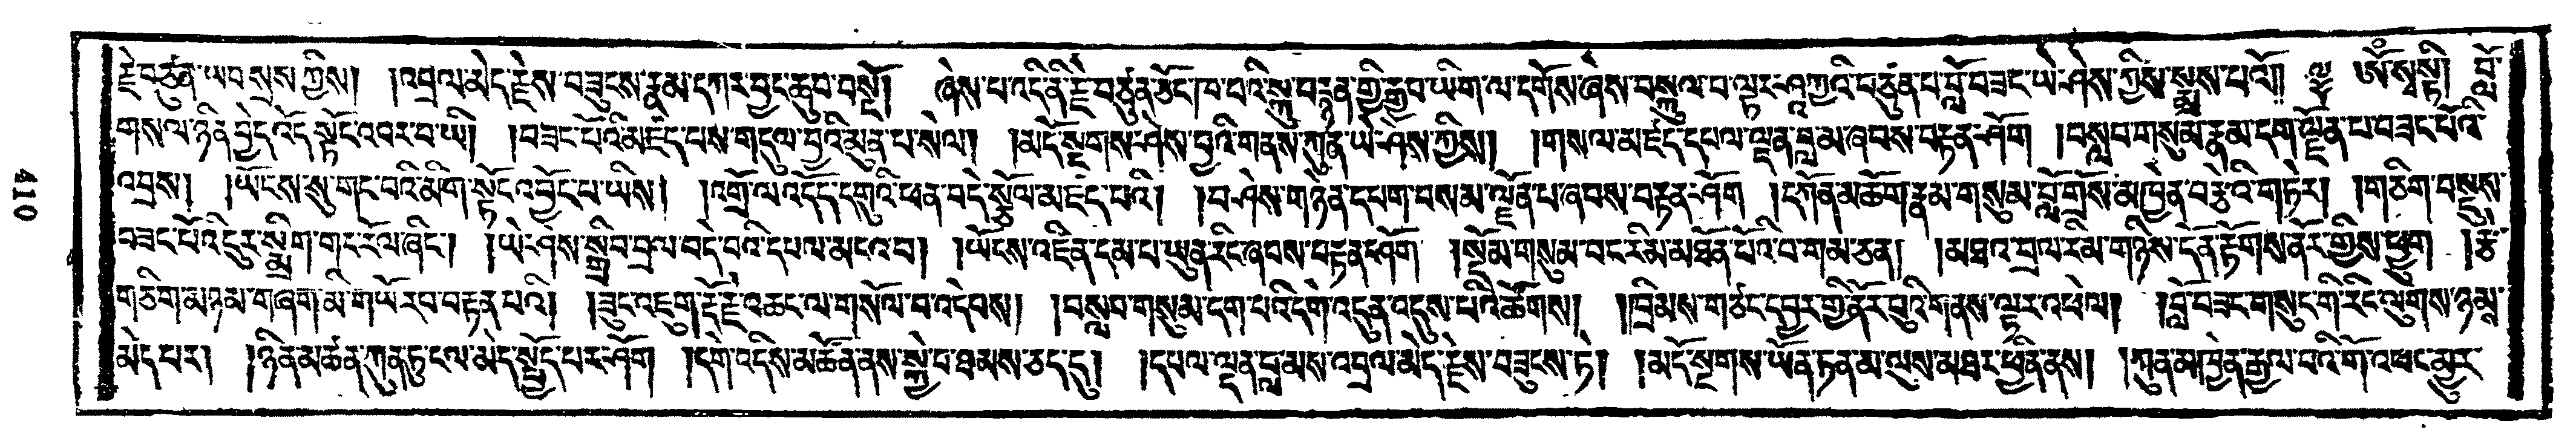རྗེ་བཙུན་ཡབ་སྲས་ཀྱིས། །འབྲལ་མེད་རྗེས་བཟུངས་རྣམ་དཀར་བྱང་ཆུབ་བསྔོ། ཞེས་པ་འདི་ནི་རྗེ་བཙུན་ཅོང་ཁ་བའི་སྐུ་བརྙན་གྱི་རྒྱབ་ཡིག་ལ་དགོས་ཞེས་བསྐུལ་བ་ལྟར་ཤཱཀྱའི་བཙུན་པ་བློ་བཟང་ཡེ་ཤེས་ཀྱིས་སྨྲས་པའོ།། ༈ ཨོཾ་སྭསྟི། བློ་
གསལ་ཉིན་བྱེད་འོད་སྟོང་འབར་བ་ཡི། །བཟང་པོའི་མཛད་པས་གདུལ་བྱའི་མུན་པ་སེལ། །མདོ་སྔགས་ཤེས་བྱའི་གནས་ཀུན་ཡེ་ཤེས་ཀྱིས། །གསལ་མཛད་དཔལ་ལྡན་བླ་མ་ཞབས་བརྟན་ཤོག །བསླབ་གསུམ་རྣམ་དག་ལྗོན་པ་བཟང་པོའི་
འབྲས། །ཡོངས་སུ་གང་བའི་མིག་སྟོང་འབྱོང་པ་ཡིས། །འགྲོ་ལ་འདོད་དགུའི་ཕན་བདེ་སྩོལ་མཛད་པའི། །བཤེས་གཉེན་དཔག་བསམ་ལྗོན་པ་ཞབས་བརྟན་ཤོག །དཀོན་མཆོག་རྣམ་གསུམ་བློ་གྲོས་མཁྱེན་བརྩེའི་གཏེར། །གཅིག་བསྡུས་
བཟང་པོའི་དུར་སྨྲིག་གང་རོལ་ཞིང་། །ཡེ་ཤེས་སྒྲིབ་བྲལ་བདེ་བའི་དཔལ་མངའ་བ། །ཡོངས་འཛིན་དམ་པ་ཡུན་རིང་ཞབས་བརྟན་ཤོག །སྡོམ་གསུམ་བང་རིམ་མཐོན་པོའི་བ་གམ་ཅན། །མཐའ་བྲལ་རིམ་གཉིས་དོན་རྟོགས་ནོར་གྱིས་ཕྱུག །རྩེ་
གཅིག་མཉམ་གཞག་མི་གཡོ་རབ་བརྟན་པའི། །ཟུང་འཇུག་རྡོ་རྗེ་འཆང་ལ་གསོལ་བ་འདེབས། །བསླབ་གསུམ་དག་པའི་དགེ་འདུན་འདུས་པའི་ཚོགས། །ཁྲིམས་གཙང་དབྱར་གྱི་ནོར་བུའི་གནས་ལྟར་འཕེལ། །བློ་བཟང་གསུང་གི་རིང་ལུགས་ཉམས་
མེད་པར། །ཉིན་མཚན་ཀུན་ཏུ་ངལ་མེད་སྤྱོད་པར་ཤོག །དགེ་འདིས་མཚོན་ནས་སྐྱེ་བ་ཐམས་ཅད་དུ། །དཔལ་ལྡན་བླ་མས་འབྲས་མེད་རྗེས་བཟུངས་ཏེ། །མདོ་སྔགས་ཡོན་ཏན་མ་ལུས་མཐར་ཕྱིན་ནས། །ཀུན་མཁྱེན་རྒྱལ་བའི་གོ་འཕང་མྱུར་